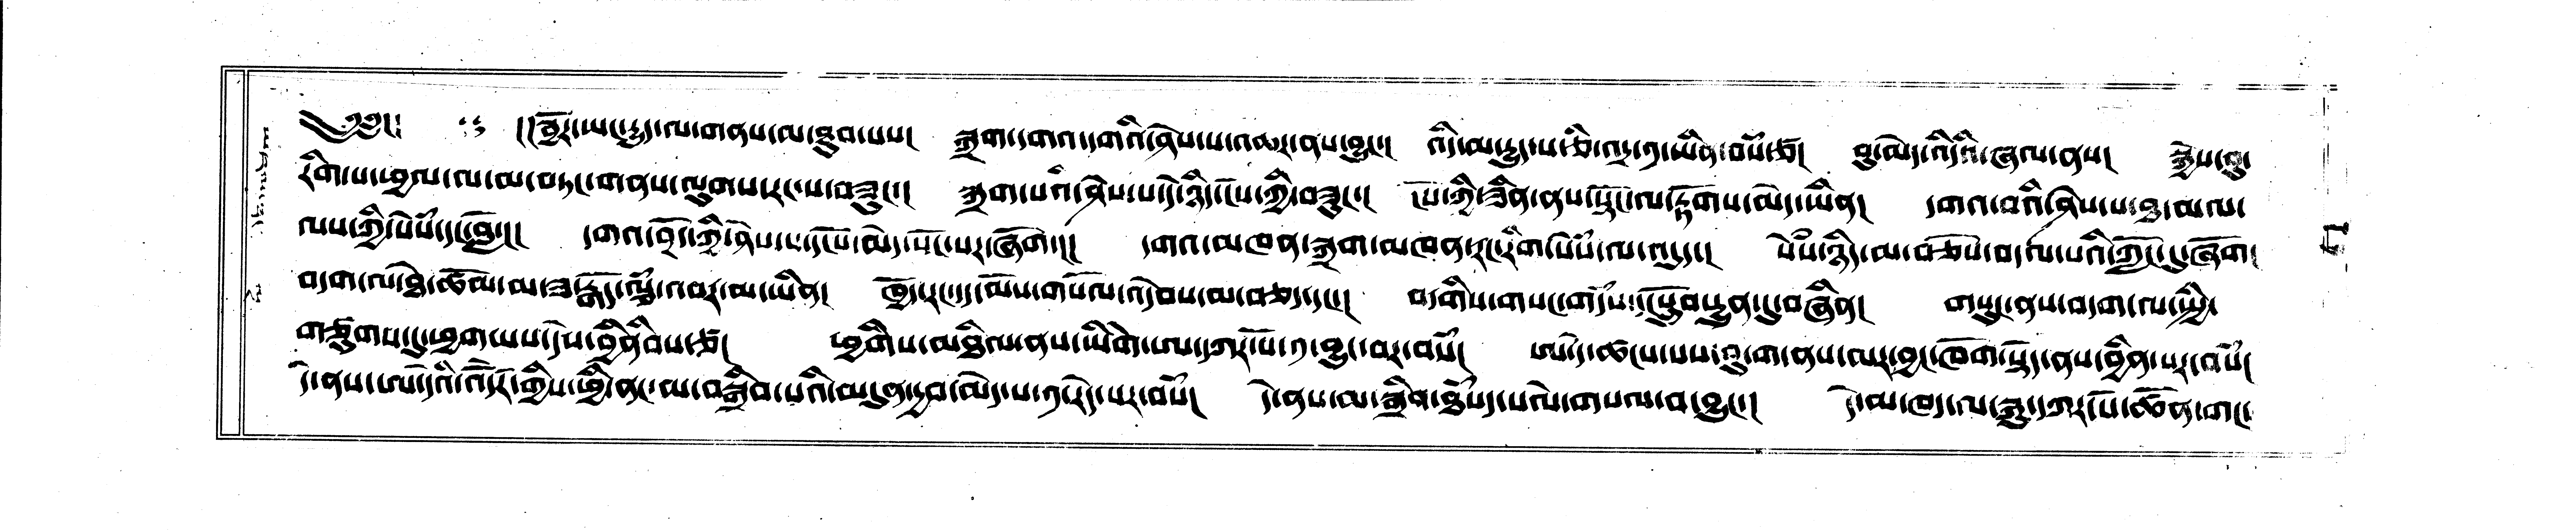སྦྱོར་ཡང་རྒྱུད་ལ་གནས་མ་ཐུབ་པས། སྐྲག་དགའ་དགའི་ཤེས་པ་འཆར་ནས་བྱུང་། འདི་མ་རྒྱུད་པ་ཅི་འདྲ་གཅིག་ཡིན་བསམ་ཙ། བུད་མེད་འདིའི་ཞལ་ནས། སྐྱེས་བུ་
རིག་པ་ཕྱལ་ལ་མ་བཏང་གནས་ལུགས་རང་ས་བཟུང་། སྐྲག་པའི་ཤེས་པ་དེ་ཉིད་ངེས་ཀྱི་བཟུང་། ངོས་ཀྱི་ཟིན་ནས་སྟོང་ལ་རྟོགས་མེད་ཡིན། དགའ་བའི་ཤེས་པ་ཐ་མལ་
ལས་ཀྱི་སེམས་དང་བློ། དགའ་བྲོད་ཀྱི་ཤེས་པ་དངོས་མེད་སོང་པར་ཞོག དགའ་མཁན་སྐྲག་མཁན་རང་རིག་སེམས་ལ་འདུད། སེམས་ཉིད་མ་བཅོས་བདལ་པའི་ཀློང་དུ་ཞོག 
བདག་ལ་ཐེ་ཚོམ་མ་ཟ་རྒོད་ལྕམ་འབར་མ་ཡིན། ཁྱོད་རང་དད་མོས་གསོལ་འདེབས་མ་བཅད་དང་། བདག་གིས་གསང་གདམས་དངོས་གྲུབ་རྒྱུན་དུ་བཞིན། གསུང་ནས་བདག་ལ་སྤྱི་
གཙུག་ཏུ་ཕྱག་གཡས་དེས་བྱིན་གྱིས་ཙ། ཕྱག་གིས་མཐིལ་ནས་ཡི་གེ་ཨ་དཀར་པོ་གཅིག་བྱུང་བར་བསམ། ཨ་དེ་ཚངས་པས་བུ་ག་ནས་མར་བྱང་ཁོག་སྟོད་ནས་བྱིན་པར་བསམ། 
དེ་ནས་ཨ་དེའི་འོད་ཟེར་གྱིས་ཕྱི་ནང་མ་བསྒྲིབ་པའི་མདུན་རྒྱབ་མེད་པ་གཅིག་རེད་པར་བསམ། དེ་ནས་མ་སྒྲིབ་ཐམས་ཅད་སལེ་གསལ་བ་བྱུང་། དེ་མ་ཁད་ལ་སྐུ་དཀར་པོ་ཚོན་གང་